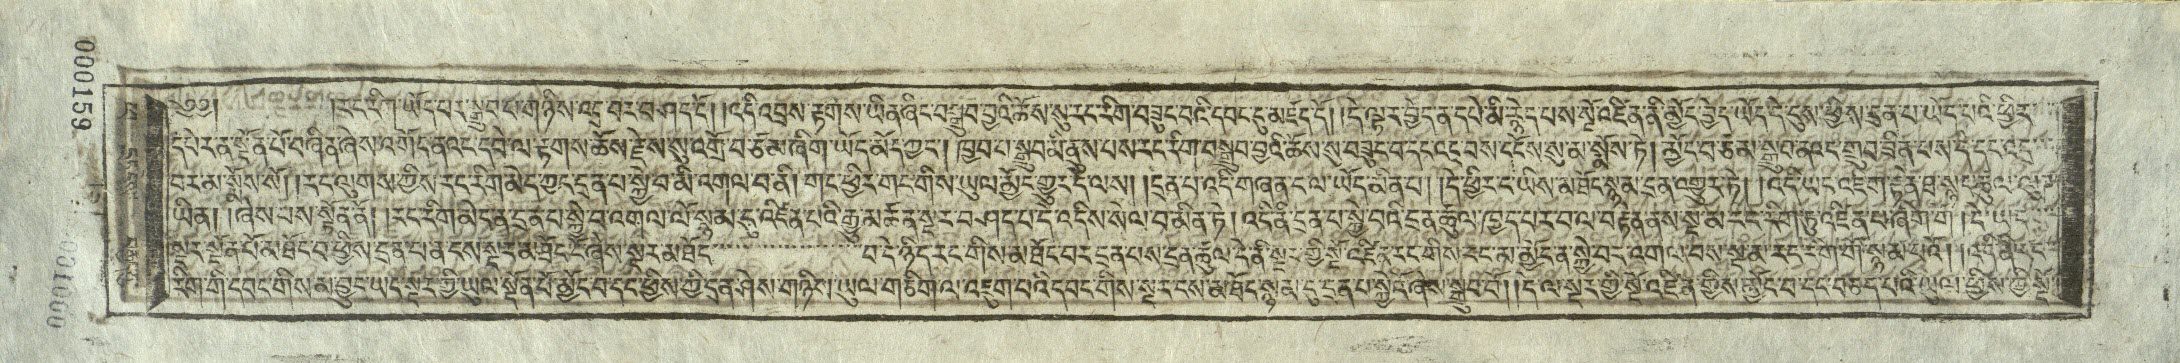༄༅། །རང་རིག་ཡོད་པར་སྒྲུབ་པ་གཉིས་འདྲ་བར་བཤད་དོ། །འདི་འབྲས་རྟགས་ཡིན་ཞིང་བསྒྲུབ་བྱའི་ཆོས་སུ་རང་རིག་བཟུང་བའི་དབང་དུ་མཛོད་དོ། །དེ་ལྟར་བྱེད་ན་དཔེ་མི་རྙེད་པས་སྔོ་འཛིན་ནི་མྱོང་བྱེད་ཡོད་དེ་དུས་ཕྱིས་དྲན་པ་ཡོད་པའི་ཕྱིར་
དཔེར་ན་སྔོན་པོ་བཞིན་ཞེས་འགོད་ནའང་དཔེ་ལ་རྟགས་ཆོས་རྗེས་སུ་འགྲོ་བ་ཙམ་ཞིག་ཡོད་མོད་ཀྱང་། ཁྱབ་པ་སྒྲུབ་མི་ནུས་བས་རང་རིག་བསྒྲུབ་བྱའི་ཆོས་སུ་བཟུང་བ་དང་འདྲ་བས་དངོས་སུ་མ་སྨོས་ཏེ། མྱོང་བ་ཙམ་སྒྲུབ་ནའང་གྲུབ་ཟིན་པས་དེ་དང་འདྲ་
བར་མ་སྨོས་སོ། །རང་ལུགས་ཀྱིས་རང་རིག་མེད་ཀྱང་དྲན་པ་སྐྱེ་བ་མི་འགལ་བ་ནི། གང་ཕྱིར་གང་གིས་ཡུལ་མྱོང་གྱུར་དེ་ལས། །དྲན་པ་འདི་གཞན་ངལ་ཡོད་མིན་པ། །དེ་ཕྱིར་ང་ཡིས་མཐོང་སྙམ་དྲན་འགྱུར་ཏེ། །འདི་ཡང་འཇིག་རྟེན་ཐ་སྙད་ཚུལ་ལུགས་
ཡིན། །ཞེས་པས་སྟོན་ནོ། །རང་རིག་མེད་ན་དྲན་པ་སྐྱེ་བ་འགལ་ལོ་སྙམ་དུ་འཛིན་པའི་རྒྱུ་མཚན་སྔར་བཤད་པ་དེ་འདིས་སེལ་བ་མིན་ཏེ། འདི་ནི་དྲན་པ་སྐྱེ་བའི་དྲན་ཚུལ་ཁྱད་པར་བ་ལ་བརྟེན་ནས་སྔ་མ་རང་རིག་ཏུ་འཛིན་པ་ཞིག་གོ །དེ་ཡང་
སྔར་སྔོན་པོ་མཐོང་བ་གྱིས་དྲན་པ་ན་ངས་སྔར་མཐོང་ངོ་ཞེས་སྔར་མཐོང་བ་དེ་ཉིད་རང་གིས་མཐོང་བར་དྲན་པས་དྲན་ཚུལ་དེ་ནི་སྔར་གྱི་སྔོ་འཛིན་རང་གིས་རང་མ་མྱོང་ན་སྐྱེ་བར་འགལ་བས་སྔ་མ་རང་རིག་གོ་སྙམ་པའོ། །འདི་ནི་རང་
རིག་གི་དབང་གིས་མ་བྱུང་ཡང་སྔར་གྱི་ཡུལ་སྔོན་པོ་མྱོང་བ་དང་ཕྱིས་ཀྱི་དྲན་ཤེས་གཉིས་ཡུལ་གཅིག་ལ་འཇུག་པའི་དབང་གིས་སྔར་ངས་མཐོང་སྙམ་དུ་དྲན་པ་སྐྱེའོ་ཞེས་སྒྲུབ་བོ། །དེ་ལ་སྔར་གྱི་སྔོ་འཛིན་གྱིས་མྱོང་བ་དང་བཅད་པའི་ཡུལ་ཕྱིས་ཀྱི་སྔོ་